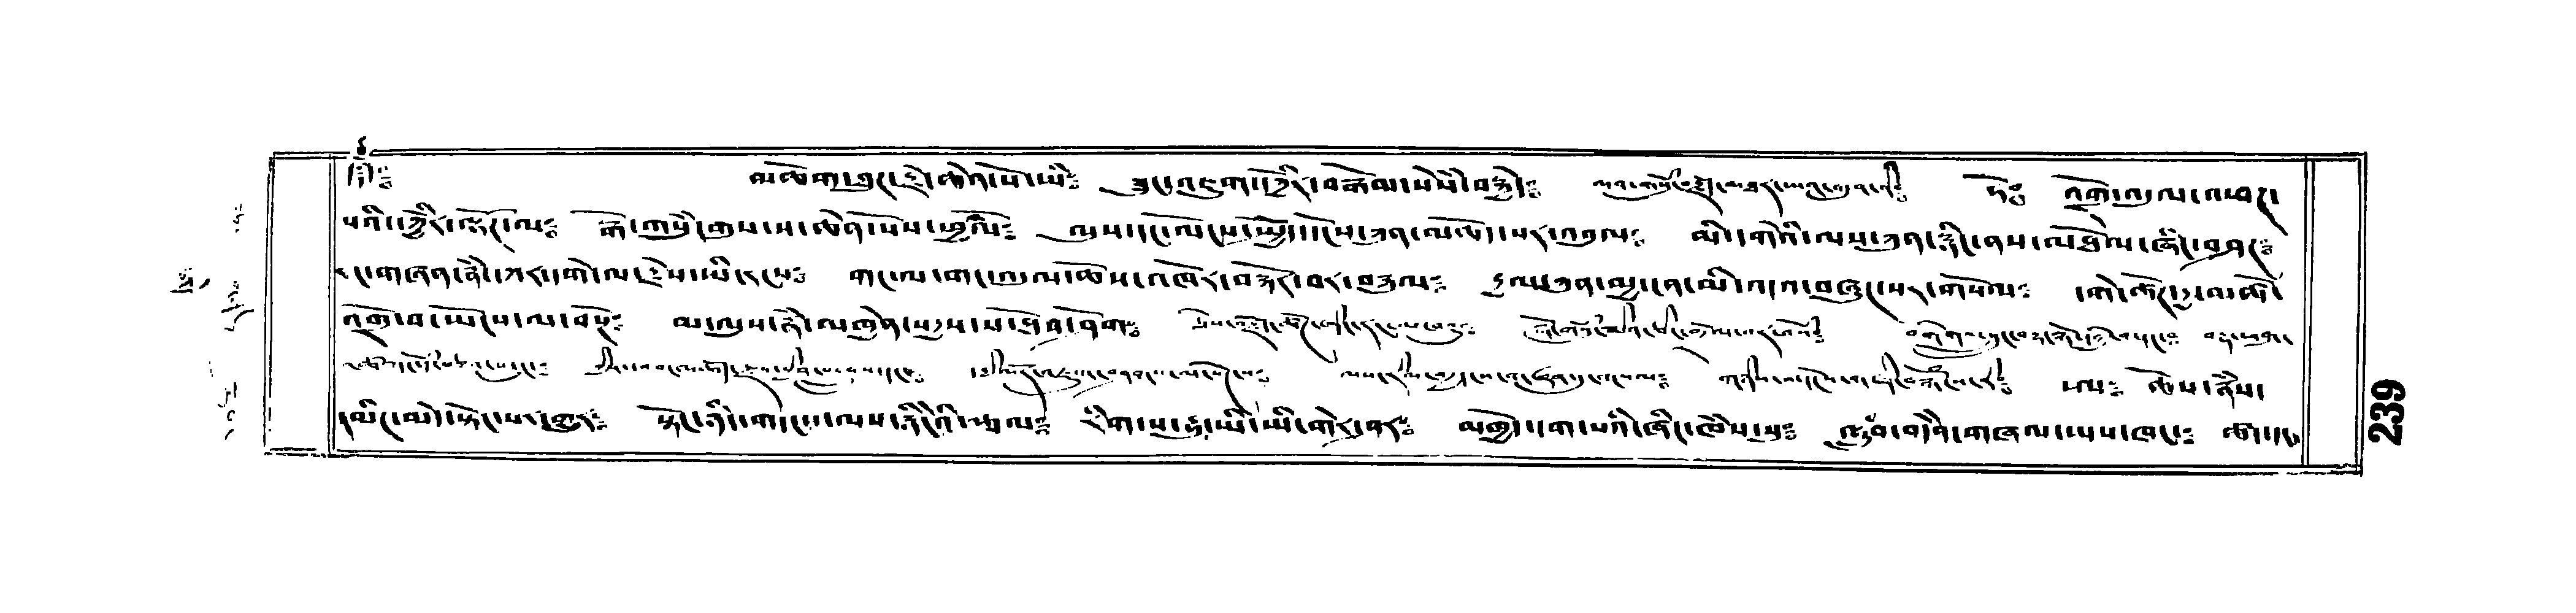མཆོག་ཐུགས་རྗེ་ཆེན་པོ་ཡི༔ ཟུང་འཇུག་དཀྱིལ་འཁོར་བསྒོམ་སེམས་བསྐྱེད༔ ལན་གསུམ་བརྗོད་མཐར་ཡན་བདུན་ནི༔ ཧོཿ འགྲོ་འདུལ་འཕགས་
པའི་དཀྱིལ་འཁོར་ལྷ་ཚོགས་ལ༔ སྒོ་གསུམ་གུས་པ་ཆེན་པོས་ཕྱག་འཚལ་ལོ༔ ལུས་དང་ལོངས་སྤྱོད་དངོས་ཀུན་མཆོད་པར་འབུལ༔ མི་དགེའི་ལས་ཀུན་སྙིང་ནས་མཐོལ་ཞིང་བཤགས༔ 
རང་གཞན་རྣམ་དཀར་དགེ་ལ་རྗེས་ཡི་རངས༔ གང་ལ་གང་འདུལ་ཆོས་འཁོར་བསྐོར་བར་བསྐུལ༔ རྒྱལ་ཀུན་མྱ་ངན་མི་འདའ་བཞུགས་པར་གསོལ༔ དགེ་ཚོགས་རྒྱ་མཚོ་
འགྲོ་བ་ཡོངས་ལ་བསྔོ༔ མ་ལུས་རྣམ་མཁྱེན་སངས་རྒྱས་ས་འཐོབ་ཤོག༔ ཅེས་བརྗོད་ཚོགས་ཞིང་རང་ལ་བསྡུ༔ སྒོ་གསུམ་སྨིན་ཅིང་གྲོལ་བར་བསམ༔ བགེགས་སྲུང་བརྡ་སྒོ་དབྱེ་བ་དང༔ བརྡ་ཕྱག་
འཚལ་དང་དམ་བཅའ་གཟུང༔ བྱིན་དབབ་མཆོད་རྫས་བྱིན་བརླབ་དང༔ དཀྱིལ་འཁོར་འཇུག་བཤགས་ལ་སོགས་པ༔ ལས་རིམ་བརྒྱད་པ་གཞན་དུ་གསལ༔ གཉིས་པ་དངོས་གཞི་སྒོམ་པ་ནི༔ ཨཱཿ ཆོས་རྣམས་
དམིགས་མེད་སྟོང་པར་གྱུར༔ སྟོང་ཉིད་གདངས་ལས་སྙིང་རྗེའི་རྩལ༔ རིག་པ་རྒྱུ་ཡི་ཡི་གེར་ཤར༔ མཁའ་སྤྱོད་དག་པའི་ཞིང་ཁམས་སུ༔ ལྷུན་གྲུབ་བདེ་ཆེན་གཞལ་ཡས་ཁང༔ ཚད་དང་